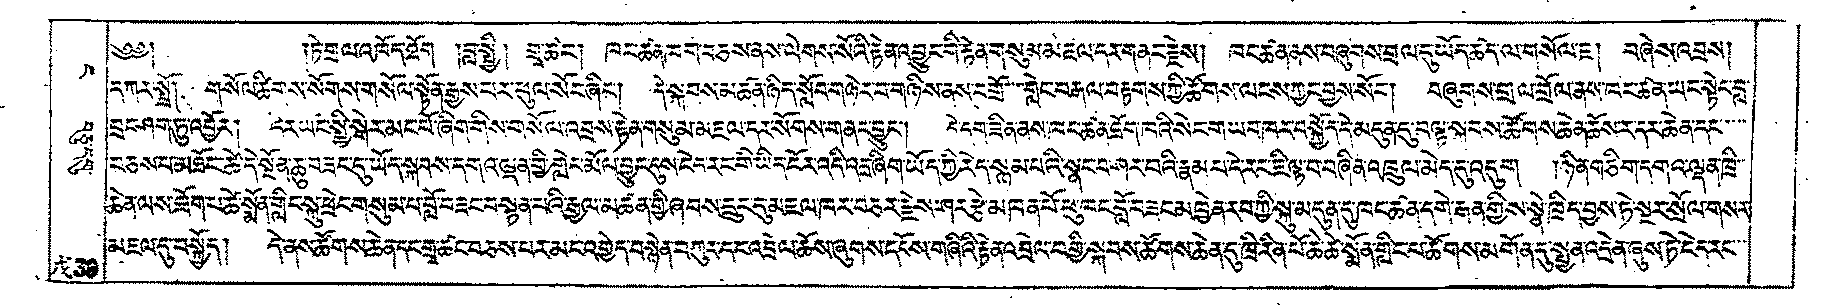༄༅། །ཏེ་གྲལ་འཁོད་ཐོག །བླ་སྤྱི། གྲྭ་ཚང་། ཁང་ཚན་ཁག་བཅས་ནས་ལེགས་སོའི་རྟེན་འབྱུང་གི་རྟེན་གསུམ་མཇལ་དར་གནང་རྗེས། ཁང་ཚན་ནས་བཞུགས་གྲལ་དུ་ཡོད་ཚད་ལ་གསོལ་ཇ། བཞེས་འབྲས།
དཀར་སྤྲོ། གསོལ་ཚིགས་སོགས་གསོལ་སྟོན་རྒྱས་པར་ཕུལ་སོང་ཞིང་། དེ་སྐབས་མཚན་ཉིད་སློབ་གཉེར་བ་གཉིས་ནས་བགྲོ་གླེང་བརྒལ་བརྟགས་ཀྱི་ཚོགས་ལངས་ཀྱང་བྱས་སོང་། བཞུགས་གྲལ་གྲོལ་ནས་ཁང་ཚན་ཡང་སྟེང་བླ་
བྲང་ཤག་ཏུ་འབྱོར། དེར་ཡང་སྤྱི་སྒེར་མང་པོ་ཞིག་གིས་གསོལ་འབྲས་རྟེན་གསུམ་མཇལ་དར་སོགས་གནང་བྱུང་། དེ་དག་ཟིན་ནས་ཁང་ཚན་ཐོག་ཁའི་སེང་གཡབ་ཁར་བསྐྱོད་དེ་མདུན་དུ་བལྟ་སྐབས་ཚོགས་ཆེན་ཆོས་ར་དར་ཆེན་དང་
བཅས་པ་མཐོང་ཚེ་དེ་སྔོན་ཆུ་བཟང་དུ་ཡོད་སྐབས་དགའ་ལྡན་གྱི་གླེང་མོལ་བྱུང་དུས་ངེད་རང་གི་ཡིད་ངོར་འདི་འདྲ་ཞིག་ཡོད་ཀྱི་རེད་སྙམ་པའི་སྣང་བ་ཤར་བའི་རྣམ་པ་དེ་རང་ཇི་ལྟ་བ་བཞིན་འཁྲུལ་མེད་དུ་འདུག །ཉིན་གཅིག་དགའ་ལྡན་ཁྲི་
ཆེན་ལས་ཐོག་པ་ཚེ་སྨོན་གླིང་སྐུ་ཕྲེང་གསུམ་པ་བློ་བཟང་བསྟན་པའི་རྒྱལ་མཚན་གྱི་ཞབས་དྲུང་དུ་མཇལ་ཁར་བཅར་རྗེས་ཤར་རྩེ་མཁན་པོ་ཕུ་ཁང་བློ་བཟང་མཁྱེན་རབ་ཀྱི་སྐུ་མདུན་དུ་ཁང་ཚན་དགེ་རྒན་གྱིས་སྣེ་ཁྲིད་བྱས་ཏེ་སྔར་སྲོལ་གསར་
མཇལ་དུ་བསྐྱོད། དེ་ནས་ཚོགས་ཆེན་དང་གྲྭ་ཚང་བཅས་པར་མང་འགྱེད་བསྙེན་བཀུར་དང་འབྲེལ་ཆོས་ཞུགས་དངོས་གཞིའི་རྟེན་འབྲེལ་བགྱི་སྐབས་ཚོགས་ཆེན་དུ་ཁྲི་རིན་པོ་ཆེ་ཚེ་སྨོན་གླིང་པ་ཚོགས་མགོན་དུ་སྤྱན་འདྲེན་ཞུས་ཏེ་ངེད་རང་